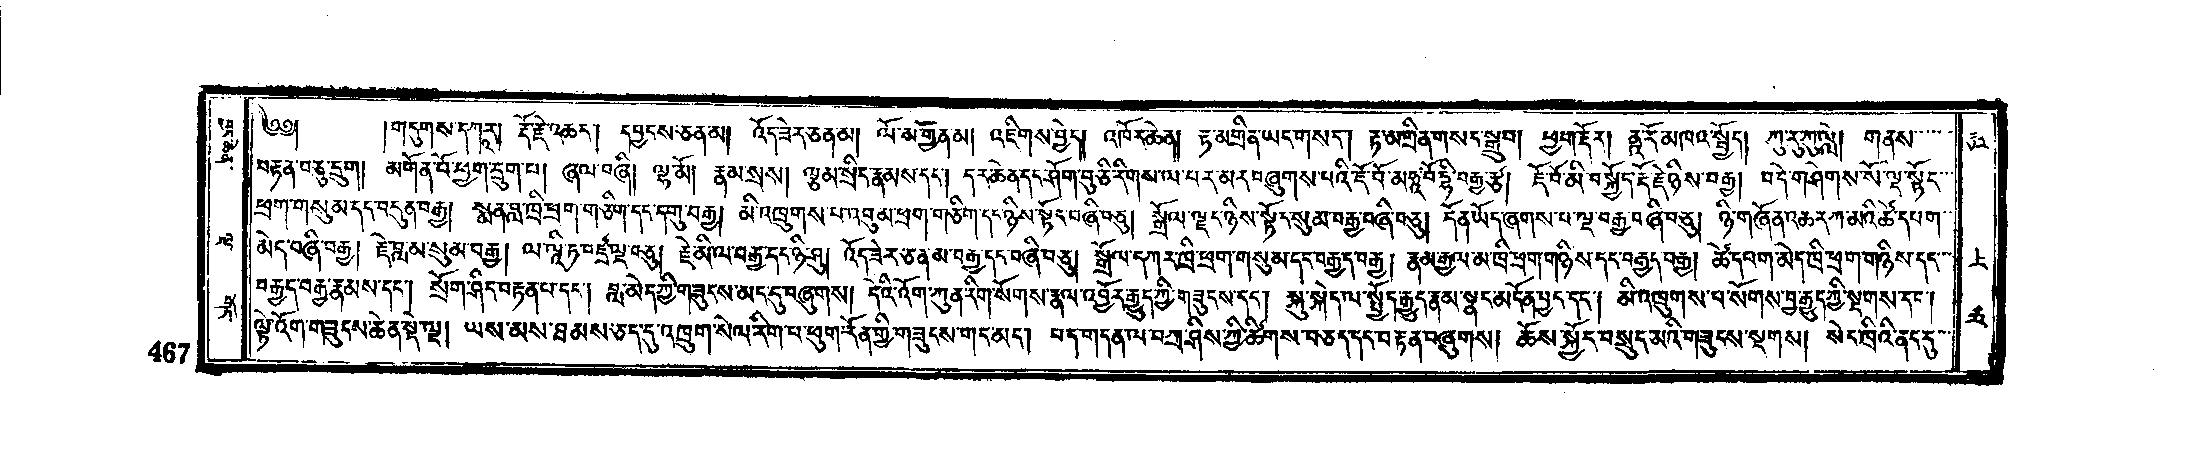༄༅། །གདུགས་དཀར༢། རྡོ་རྗེ་འཆང་། དབྱངས་ཅན་མ། འོད་ཟེར་ཅན་མ། ལོ་མ་གྱོན་མ། འཇིགས་བྱེད། འཁོར་ཆེན། རྟ་མགྲིན་ཡང་གསང་། རྟ་མགྲིན་གསང་སྒྲུབ། ཕྱག་རྡོར། ནཱ་རོ་མཁའ་སྦྱོད། ཀུ་རུ་ཀུ་ལླེ། གནས་
བརྟན་བཅུ་དྲུག། མགོན་པོ་ཕྱག་དྲུག་པ། ཞལ་བཞི། ལྷ་མོ། རྣམ་སྲས། ལྕམ་སྲིད་རྣམས་དང་། དར་ཆེན་དང་ཤོག་བུ་ཅི་རིགས་ལ་པར་མར་བཞུགས་པའི་ཇོ་བོ་མཧཱ་བོདྷི་བརྒྱ་རྩ། ཇོ་བོ་མི་བསྐྱོད་རྡོ་རྗེ་ཉིས་བརྒྱ། བདེ་གཤེགས་སོ་ལྔ?་སྟོང་
ཕྲག་གསུམ་དང་བདུན་བརྒྱ། སྨན་བླ་ཁྲི་ཕྲག་གཅིག་དང་དགུ་བརྒྱ། མི་འཁྲུགས་པ་འབུམ་ཕྲག་གཅིག་དང་ཉིས་སྟོང་བཞི་བཅུ། སྒྲོལ་ལྗང་ཉིས་སྟོང་སུམ་བརྒྱ་བཞི་བཅུ། དོན་ཡོད་ཞགས་པ་ལྔ་བརྒྱ་བཞི་བཅུ། ཉི་གཞོན་འཆར་ཀ་མའི་ཚེ་དཔག་
མེད་བཞི་བརྒྱ། རྗེ་བླ་མ་སུམ་བརྒྱ། ལ་ལཱི་ཏ་བཛྲ་ལྔ་བཅུ། རྗེ་མི་ལ་བརྒྱ་དང་ཉི་ཤུ། འོད་ཟེར་ཅན་མ་བརྒྱ་དང་བཞི་བཅུ། སྒྲོལ་དཀར་ཁྲི་ཕྲག་གསུམ་དང་བརྒྱད་བརྒྱ། རྣམ་རྒྱལ་མ་ཁྲི་ཕྲག་གཉིས་དང་བརྒྱད་བརྒྱ། ཚེ་དཔག་མེད་ཁྲི་ཕྲག་གཉིས་དང་
བརྒྱད་བརྒྱ་རྣམས་དང་། སྲོག་ཤིང་བརྟན་པ་དང་། བླ་མེད་ཀྱི་གཟུངས་མང་དུ་བཞུགས། དེའི་འོག་ཀུན་རིག་སོགས་རྣལ་འབྱོར་རྒྱུད་ཀྱི་གཟུངས་དང་། སྐུ་སྐེད་ལ་སྤྱོད་རྒྱུད་རྣམ་སྣང་མངོན་བྱང་དང་། མི་འཁྲུགས་པ་སོགས་བྱ་རྒྱུད་ཀྱི་སྔགས་དང་།
ལྟེ་འོག་གཟུངས་ཆེན་སྡེ་ལྔ། ཡས་མས་ཐམས་ཅད་དུ་འཁྲུག་སེལ་རིག་པ་ཕུག་རོན་གྱི་གཟུངས་གང་མང་། པད་གདན་ལ་བཀྲ་ཤིས་ཀྱི་ཚིགས་བཅད་དང་བརྟན་བཞུགས། ཆོས་སྐྱོང་བསྲུང་མའི་གཟུངས་སྔགས། སེང་ཁྲིའི་ནང་དུ་